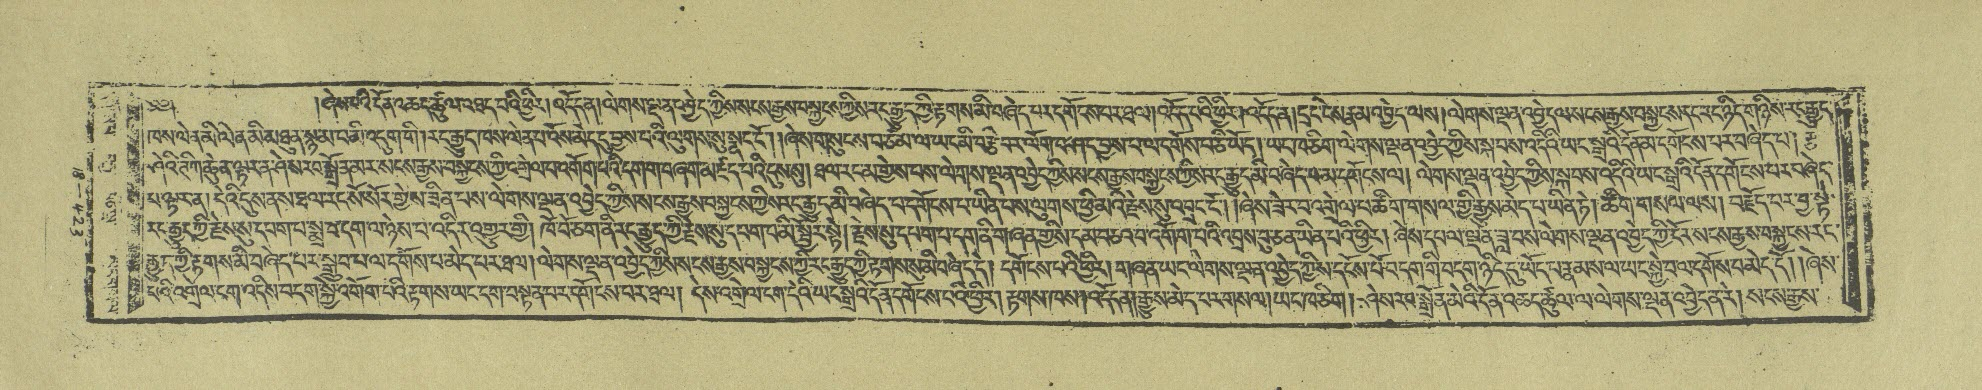༄༅། །ཞེས་པའི་དོན་འཆད་ཚུལ་འཐད་པའི་ཕྱིར། འདོད་ན། ལེགས་ལྡན་འབྱེད་ཀྱིས་སངས་རྒྱས་བསྐྱངས་ཀྱིས་རང་རྒྱུད་ཀྱི་རྟགས་མི་བཞེད་པར་དགོངས་པར་ཐལ། འདོད་པའི་ཕྱིར། འདོད་ན། དྲང་ངེས་རྣམ་འབྱེད་ལས། ལེགས་ལྡན་འབྱེད་ལ་སངས་རྒྱས་བསྐྱངས་དང་རང་ཉིད་གཉིས་རང་རྒྱུད་
ཁས་ལེན་མི་ལེན་མི་མཐུན་སྙམ་པ་མི་འདུག་གི །རང་རྒྱུད་ཁས་ལེན་པ་འོས་མེད་དུ་བྱས་པའི་ལུགས་སུ་སྣང་ངོ། །ཞེས་གསུངས་པ་ཙམ་ལ་ཡང་མི་བརྩི་བར་ལོག་བཤད་བྱས་པ་ལ་དགོས་པ་ཅི་ཡོད། ཡང་ཁ་ཅིག་ལེགས་ལྡན་འབྱེད་ཀྱིས་སྐབས་འདིའི་ཡང་སྒྲའི་དོན་མ་དགོངས་པ་བཞེད་པ། རྩ་
ཤེའི་ཊཱིཀ་ཆེན་ལྟར་ན་ཤེས་རབ་སྒྲོན་མར་སངས་རྒྱས་བསྐྱངས་ཀྱི་འགྲེལ་པ་འགོག་པའི་དགག་བཞག་མཛད་པའི་དུས་སུ། ཐལ་རང་མ་གྱེས་པས་ལེགས་ལྡན་འབྱེད་ཀྱིས་སངས་རྒྱས་བསྐྱངས་ཀྱིས་རང་རྒྱུད་མི་བཞེད་པ་མ་དགོངས་ལ། ལེགས་ལྡན་འབྱེད་ཀྱིས་སྐབས་འདིའི་ཡང་སྒྲའི་དོན་དགོངས་པར་བཞེད་
པ་ལྟར་ན། དེའི་དུས་ནས་ཐལ་རང་སོ་སོར་གྱེས་ཟིན་པས་ལེགས་ལྡན་འབྱེད་ཀྱིས་སངས་རྒྱས་བསྐྱངས་ཀྱིས་རང་རྒྱུད་མི་བཞེད་པ་དགོངས་པ་ཡིན་པས་ལུགས་ཕྱི་མའི་རྗེས་སུ་འབྲང་ངོ། །ཞེས་ཟེར་བ་འགྲེལ་བ་ཚིག་གསལ་གྱི་རྒྱུས་མེད་པ་ཡིན་ཏེ། ཚིག་གསལ་ལས། བརྗོད་པར་བྱ་སྟེ་
རང་རྒྱུད་ཀྱི་རྗེས་སུ་དཔག་པ་སྨྲ་བ་དག་ལ་ཉེས་པ་འདིར་འགྱུར་གྱི། ཁོ་བོ་ཅག་ནི་རང་རྒྱུད་ཀྱི་རྗེས་སུ་དཔག་པ་མི་སྦྱོར་སྟེ། རྗེས་སུ་དཔག་པ་དག་ནི་གཞན་གྱིས་དམ་བཅའ་བ་འགོག་པའི་འབྲས་བུ་ཅན་ཡིན་པའི་ཕྱིར། ཞེས་དཔལ་ལྡན་ཟླ་བས་ལེགས་ལྡན་འབྱེད་ཀྱི་ངོར་སངས་རྒྱས་བསྐྱངས་རང་
རྒྱུད་ཀྱི་རྟགས་མི་བཞེད་པར་སྒྲུབ་པ་ལ་དགོས་པ་མེད་པར་ཐལ། ལེགས་ལྡན་འབྱེད་ཀྱིས་སངས་རྒྱས་བསྐྱངས་ཀྱི་རང་རྒྱུད་ཀྱི་རྟགས་སུ་མི་བཞེད་དེ། དགོངས་པའི་ཕྱིར། གཞན་ཡང་ལེགས་ལྡན་འབྱེད་ཀྱིས་དངོས་པོ་བདག་གི་བདག་ཉིད་དུ་ཡོད་པ་རྣམས་ལ་ཡང་སྐྱེ་བ་ལ་དགོས་པ་མེད་དོ། །ཞེས་
པའི་འགྲེལ་ངག་འདིས་བདག་སྐྱེ་འགོག་པའི་རྟགས་ཡང་དག་བསྟན་པར་དགོངས་པར་ཐལ། དེས་འགྲེལ་ངག་དེའི་ཡང་སྒྲའི་དོན་དགོངས་པའི་ཕྱིར། རྟགས་ཁས། འདོད་ནི། རྒྱུས་མེད་པར་གསལ། ཡང་ཁ་ཅིག །ཤེས་རབ་སྒྲོན་མེའི་དོན་འཆད་ཚུལ་ལ་ལེགས་ལྡན་འབྱེད་ན་རེ། སངས་རྒྱས་